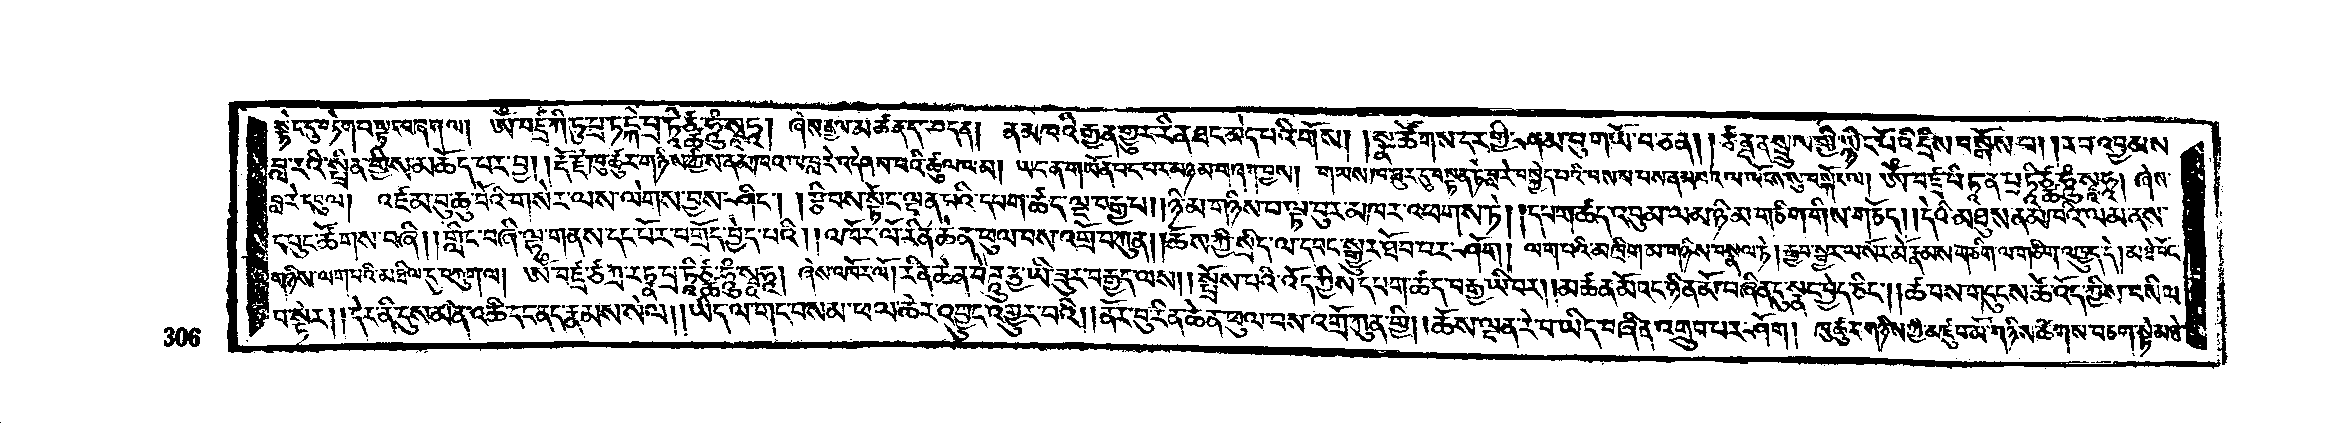སྟེང་དུ་བཏེག་པ་ལྟར་བཞག་ལ། ཨོཾ་བཛྲ་ཀེ་ཏུ་པྲ་ཏངྐེ་པྲ་ཏཱི་ཙྪ་ཧཱུཾ་སྭཱ་ཧཱ། ཞེས་རྒྱལ་མཚན་དང་བ་དན།  ནམ་མཁའི་རྒྱན་གྱུར་རིན་ཐང་མེད་པའི་གོས། །སྣ་ཚོགས་དར་གྱི་ཤམ་བུ་གཡོ་བ་ཅན། །ཙནྡན་སྦྲུལ་གྱི་སྙིང་པོའི་དྲིས་བསྒོས་པ། །རབ་འབྱམས་
བླ་རའི་སྤྲིན་གྱིས་མཆོད་པར་བྱ། ། རྡོ་རྗེ་ཁུ་ཚུར་གཉིས་ཀྱིས་ནམ་མཁའ་ལ་བླ་རེ་འདེགས་པའི་ཚུལ་ལམ། ཡང་ན་གཡོན་པང་པར་མཉམ་གཞག་བྱས། གཡས་ཁ་ཐུར་དུ་བསྟན་ཏེ་བླ་རེ་བསྐྱེད་པའི་བསམ་པས་ནམ་མཁའ་ལ་ཡོངས་སུ་བསྐོར་ལ།  ཨོཾ་བཛྲ་བི་ཏཱ་ན་པྲ་ཏཱི་ཙྪ་ཧཱུཾ་སྭཱ་ཧཱ། ཞེས་
བླ་རེ་དབུལ། འཛམ་བུ་ཆུ་བོའི་གསེར་ལས་ལེགས་བྱས་ཤིང་། །རྩིབས་སྟོང་ལྡན་པའི་དཔག་ཚད་ལྔ་བརྒྱ་པ། །ཉི་མ་གཉིས་པ་ལྟ་བུར་མཁར་འཕགས་ཏེ། །དཔག་ཚད་འབུམ་ལམ་ཉི་མ་གཅིག་གིས་གཅོད། །དེའི་མཐུས་ནམ་མཁའི་ལམ་ནས་
དཔུང་ཚོགས་བཞི། །གླིང་བཞི་ལྷ་གནས་དང་པོར་བགྲོད་བྱེད་པའི། །འཁོར་ལོ་རིན་ཆེན་ཕུལ་བས་འགྲོ་བ་ཀུན། །ཆོས་ཀྱི་སྲིད་ལ་དབང་སྒྱུར་ཐོབ་པར་ཤོག ། ལག་པའི་མཁྲིག་མ་གཉིས་བསྣལ་ཏེ། རྒྱབ་སྦྱར་ལ་སོར་མོ་རྣམས་གཅིག་ལ་གཅིག་འཁྱུད་དེ། མཐེ་བོང་
གཉིས་ལག་པའི་མཐིལ་དུ་བཀུག་ལ། ཨོཾ་བཛྲ་ཙ་ཀྲ་རཏྣ་པྲ་ཏཱི་ཙྪ་ཧཱུཾ་སྭཱ་ཧཱ། ཞེས་འཁོར་ལོ།  རིན་ཆེན་བཻཌཱུརྱ་ཡི་ཟུར་བརྒྱད་ལས། །སྤྲོས་པའི་འོད་ཀྱིས་དཔག་ཚད་བརྒྱ་ཡི་བར། །མཚན་མོའང་ཉིན་མོ་བཞིན་དུ་སྣང་བྱེད་ཅིང་། །ཚ་བས་གདུངས་ཚེ་འོད་ཀྱིས་བསིལ་
བ་སྟེར། །དེར་ནི་དུས་མིན་འཆི་དང་ནད་རྣམས་སེལ། །ཡིད་ལ་གང་བསམ་ཕལ་ཆེར་འབྱུང་འགྱུར་པའི། །ནོར་བུ་རིན་ཆེན་ཕུལ་བས་འགྲོ་ཀུན་གྱི། །ཆོས་ལྡན་རེ་བ་ཡིད་བཞིན་འགྲུབ་པར་ཤོག །ཁུ་ཚུར་གཉིས་ཀྱི་མཛུབ་མོ་གཉིས་ཚིགས་བཅག་སྟེ་མཐེ་